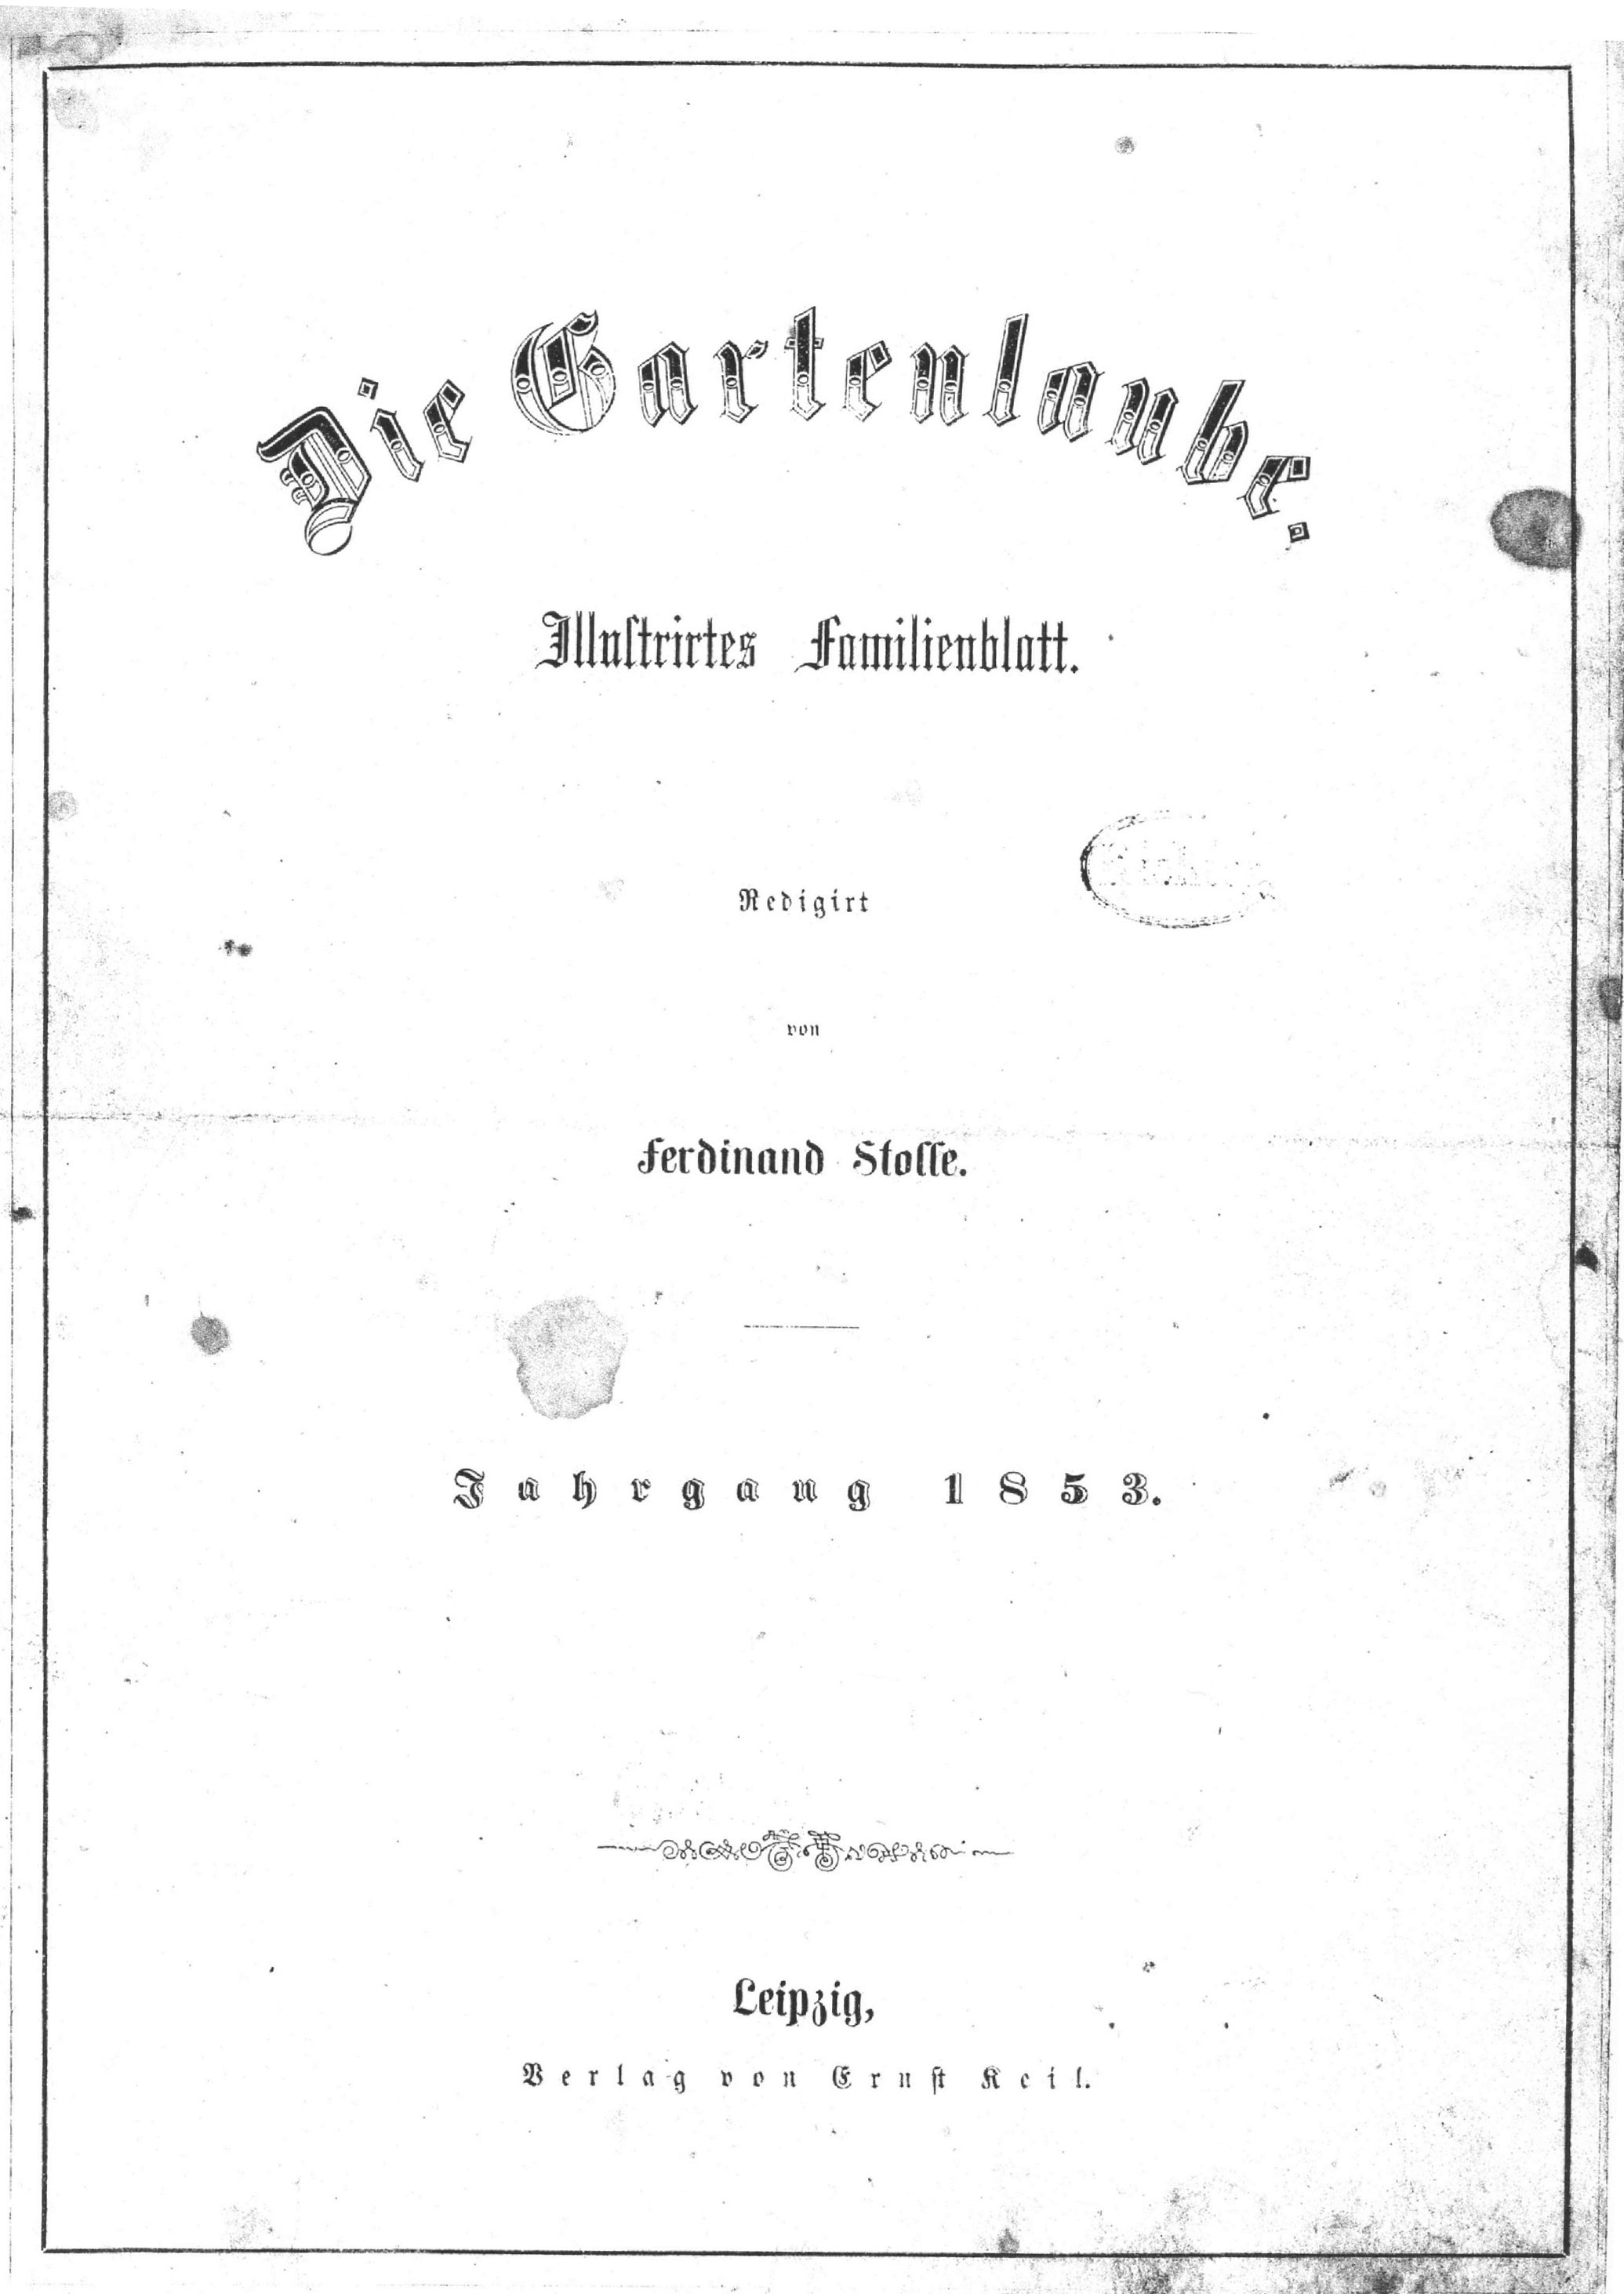Die Gartenlaube.

Illustrirtes Familienblatt.

Redigirt

von

Ferdinand Stolle.

Jahrgang 1853.

Leipzig,

Verlag von Ernst Keil.
